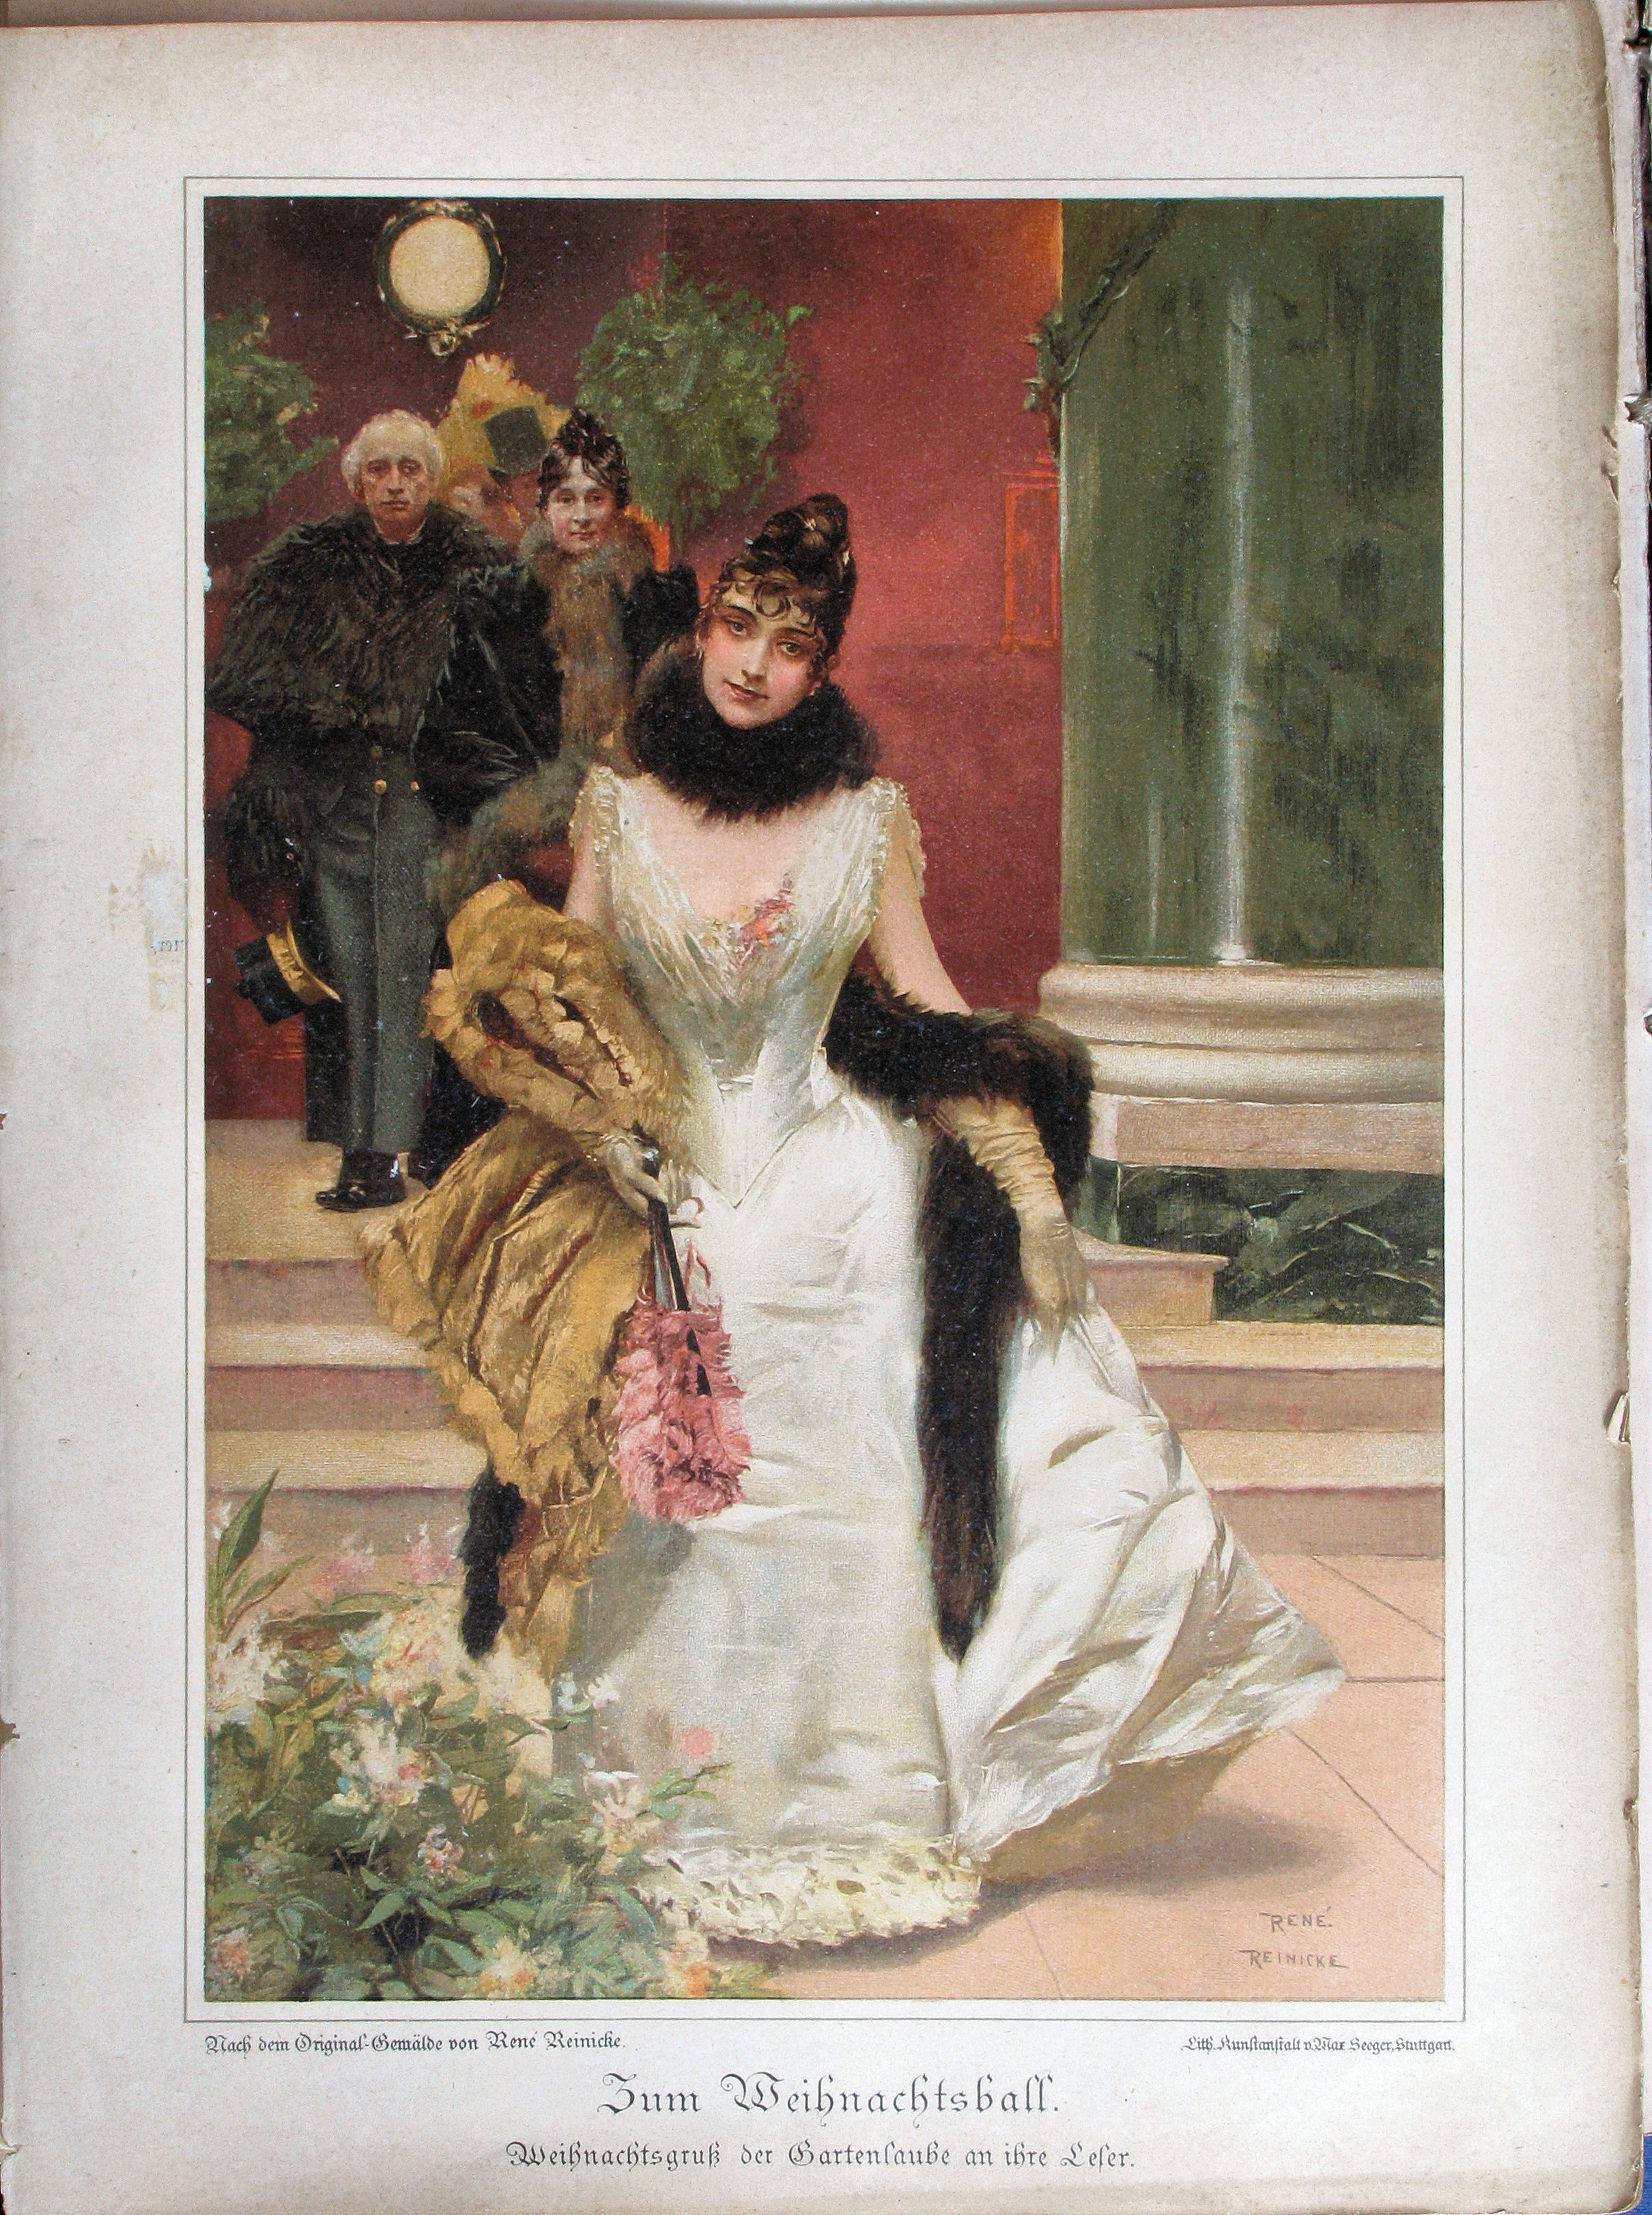Nach dem Original-Gemälde von René Reinicke. Lith. Kunstanstalt v. Max Seeger, Stuttgart.
Zum Weihnachtsball.
Weihnachtsgruß der Gartenlaube an ihre Leser.
